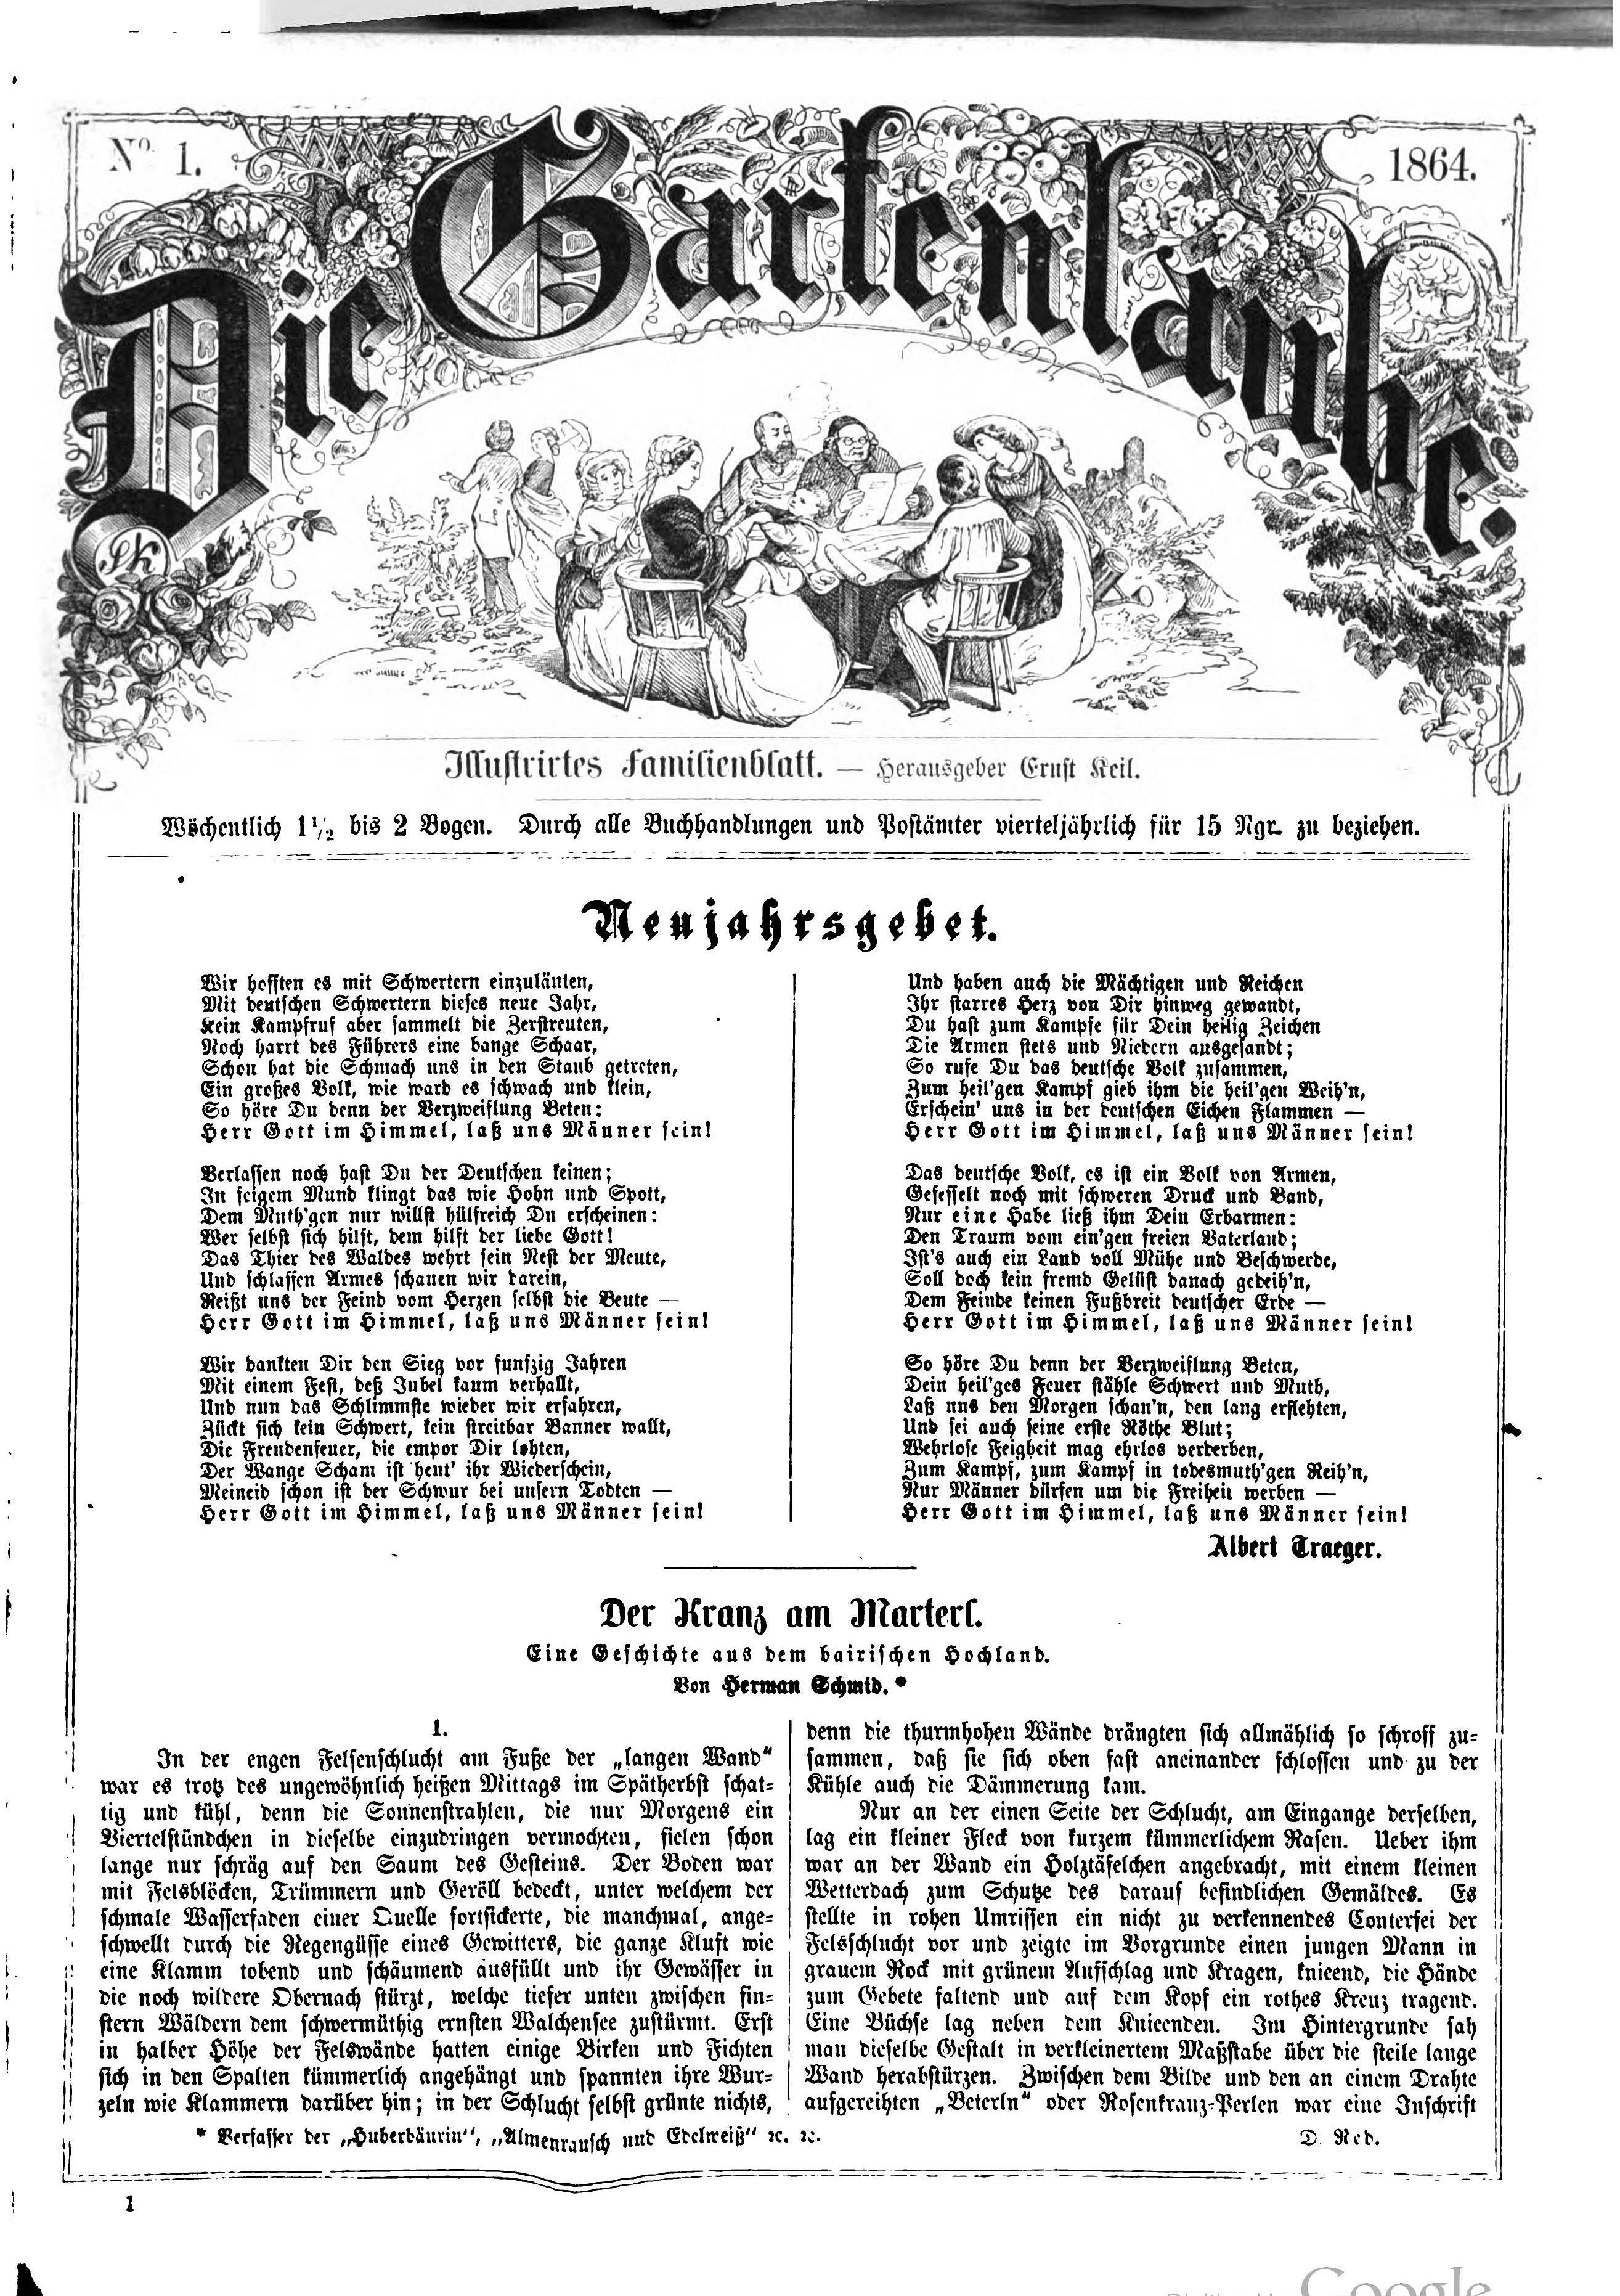No. 1. 1864.
Die Gartenlaube.

Illustrirtes Familienblatt. – Herausgeber Ernst Keil.

Wöchentlich 1½ bis 2 Bogen. Durch alle Buchhandlungen und Postämter vierteljährlich für 15 Ngr. zu beziehen.

Neujahrsgebet.

Wir hofften es mit Schwertern einzuläuten,
Mit deutschen Schwertern dieses neue Jahr,
Kein Kampfruf aber sammelt die Zerstreuten,
Noch harrt des Führers eine bange Schaar,
Schon hat die Schmach uns in den Staub getreten,
Ein großes Volk, wie ward es schwach und klein,
So höre Du denn der Verzweiflung Beten:
Herr Gott im Himmel, laß uns Männer sein!

Verlassen noch hast Du der Deutschen keinen;
In feigem Mund klingt das wie Hohn und Spott,
Dem Muth’gen nur willst hülfreich Du erscheinen:
Wer selbst sich hilft, dem hilft der liebe Gott!
Das Thier des Waldes wehrt sein Nest der Meute,
Und schlaffen Armes schauen wir darein,
Reißt uns der Feind vom Herzen selbst die Beute –
Herr Gott im Himmel, laß uns Männer sein!

Wir dankten Dir den Sieg vor funfzig Jahren
Mit einem Fest, deß Jubel kaum verhallt,
Und nun das Schlimmste wieder wir erfahren,
Zückt sich kein Schwert, kein streitbar Banner wallt,
Die Freudenfeuer, die empor Dir lohten,
Der Wange Scham ist heut’ ihr Wiederschein,
Meineid schon ist der Schwur bei unsern Todten –
Herr Gott im Himmel, laß uns Männer sein!

Und haben auch die Mächtigen und Reichen
Ihr starres Herz von Dir hinweg gewandt,
Du hast zum Kampfe für Dein heilig Zeichen
Die Armen stets und Niedern ausgesandt;
So rufe Du das deutsche Volk zusammen,
Zum heil’gen Kampf gieb ihm die heil’gen Weih’n,
Erschein’ uns in der deutschen Eichen Flammen –
Herr Gott im Himmel, laß uns Männer sein!

Das deutsche Volk, es ist ein Volk von Armen,
Gefesselt noch mit schweren Druck und Band,
Nur eine Habe ließ ihm Dein Erbarmen:
Den Traum vom ein’gen freien Vaterland;
Ist’s auch ein Land voll Mühe und Beschwerde,
Soll doch kein fremd Gelüst danach gedeih’n,
Dem Feinde keinen Fußbreit deutscher Erde –
Herr Gott im Himmel, laß uns Männer sein!

So höre Du denn der Verzweiflung Beten,
Dein heil’ges Feuer stähle Schwert und Muth,
Laß uns den Morgen schau’n, den lang erflehten,
Und sei auch seine erste Röthe Blut;
Wehrlose Feigheit mag ehrlos verderben,
Zum Kampf, zum Kampf in todesmuth’gen Reih’n,
Nur Männer dürfen um die Freiheit werben –
Herr Gott im Himmel, laß uns Männer sein!

Albert Traeger.

Der Kranz am Marterl.
Eine Geschichte aus dem bairischen Hochland.
Von Herman Schmid.

1.
In der engen Felsenschlucht am Fuße der „langen Wand“ war es trotz des ungewöhnlich heißen Mittags im Spätherbst schattig und kühl, denn die Sonnenstrahlen, die nur Morgens ein Viertelstündchen in dieselbe einzudringen vermochten, fielen schon lange nur schräg auf den Saum des Gesteins. Der Boden war mit Felsblöcken, Trümmern und Geröll bedeckt, unter welchem der schmale Wasserfaden einer Quelle fortsickerte, die manchmal, angeschwellt durch die Regengüsse eines Gewitters, die ganze Kluft wie eine Klamm tobend und schäumend ausfüllt und ihr Gewässer in die noch wildere Obernach stürzt, welche tiefer unten zwischen finstern Wäldern dem schwermüthig ernsten Walchensee zustürmt. Erst in halber Höhe der Felswände hatten einige Birken und Fichten sich in den Spalten kümmerlich angehängt und spannten ihre Wurzeln wie Klammern darüber hin; in der Schlucht selbst grünte nichts, denn die thurmhohen Wände drängten sich allmählich so schroff zusammen, daß sie sich oben fast aneinander schlossen und zu der Kühle auch die Dämmerung kam.

Nur an der einen Seite der Schlucht, am Eingange derselben, lag ein kleiner Fleck von kurzem kümmerlichem Rasen. Ueber ihm war an der Wand ein Holztäfelchen angebracht, mit einem kleinen Wetterdach zum Schutze des darauf befindlichen Gemäldes. Es stellte in rohen Umrissen ein nicht zu verkennendes Conterfei der Felsschlucht vor und zeigte im Vorgrunde einen jungen Mann in grauem Rock mit grünem Aufschlag und Kragen, knieend, die Hände zum Gebete faltend und auf dem Kopf ein rothes Kreuz tragend. Eine Büchse lag neben dem Knieenden. Im Hintergrunde sah man dieselbe Gestalt in verkleinertem Maßstabe über die steile lange Wand herabstürzen. Zwischen dem Bilde und den an einem Drahte aufgereihten „Beterln“ oder Rosenkranz-Perlen war eine Inschrift
Verfasser der „Huberbäurin“, „Almenrausch und Edelweiß“ etc. etc.
D. Red.
